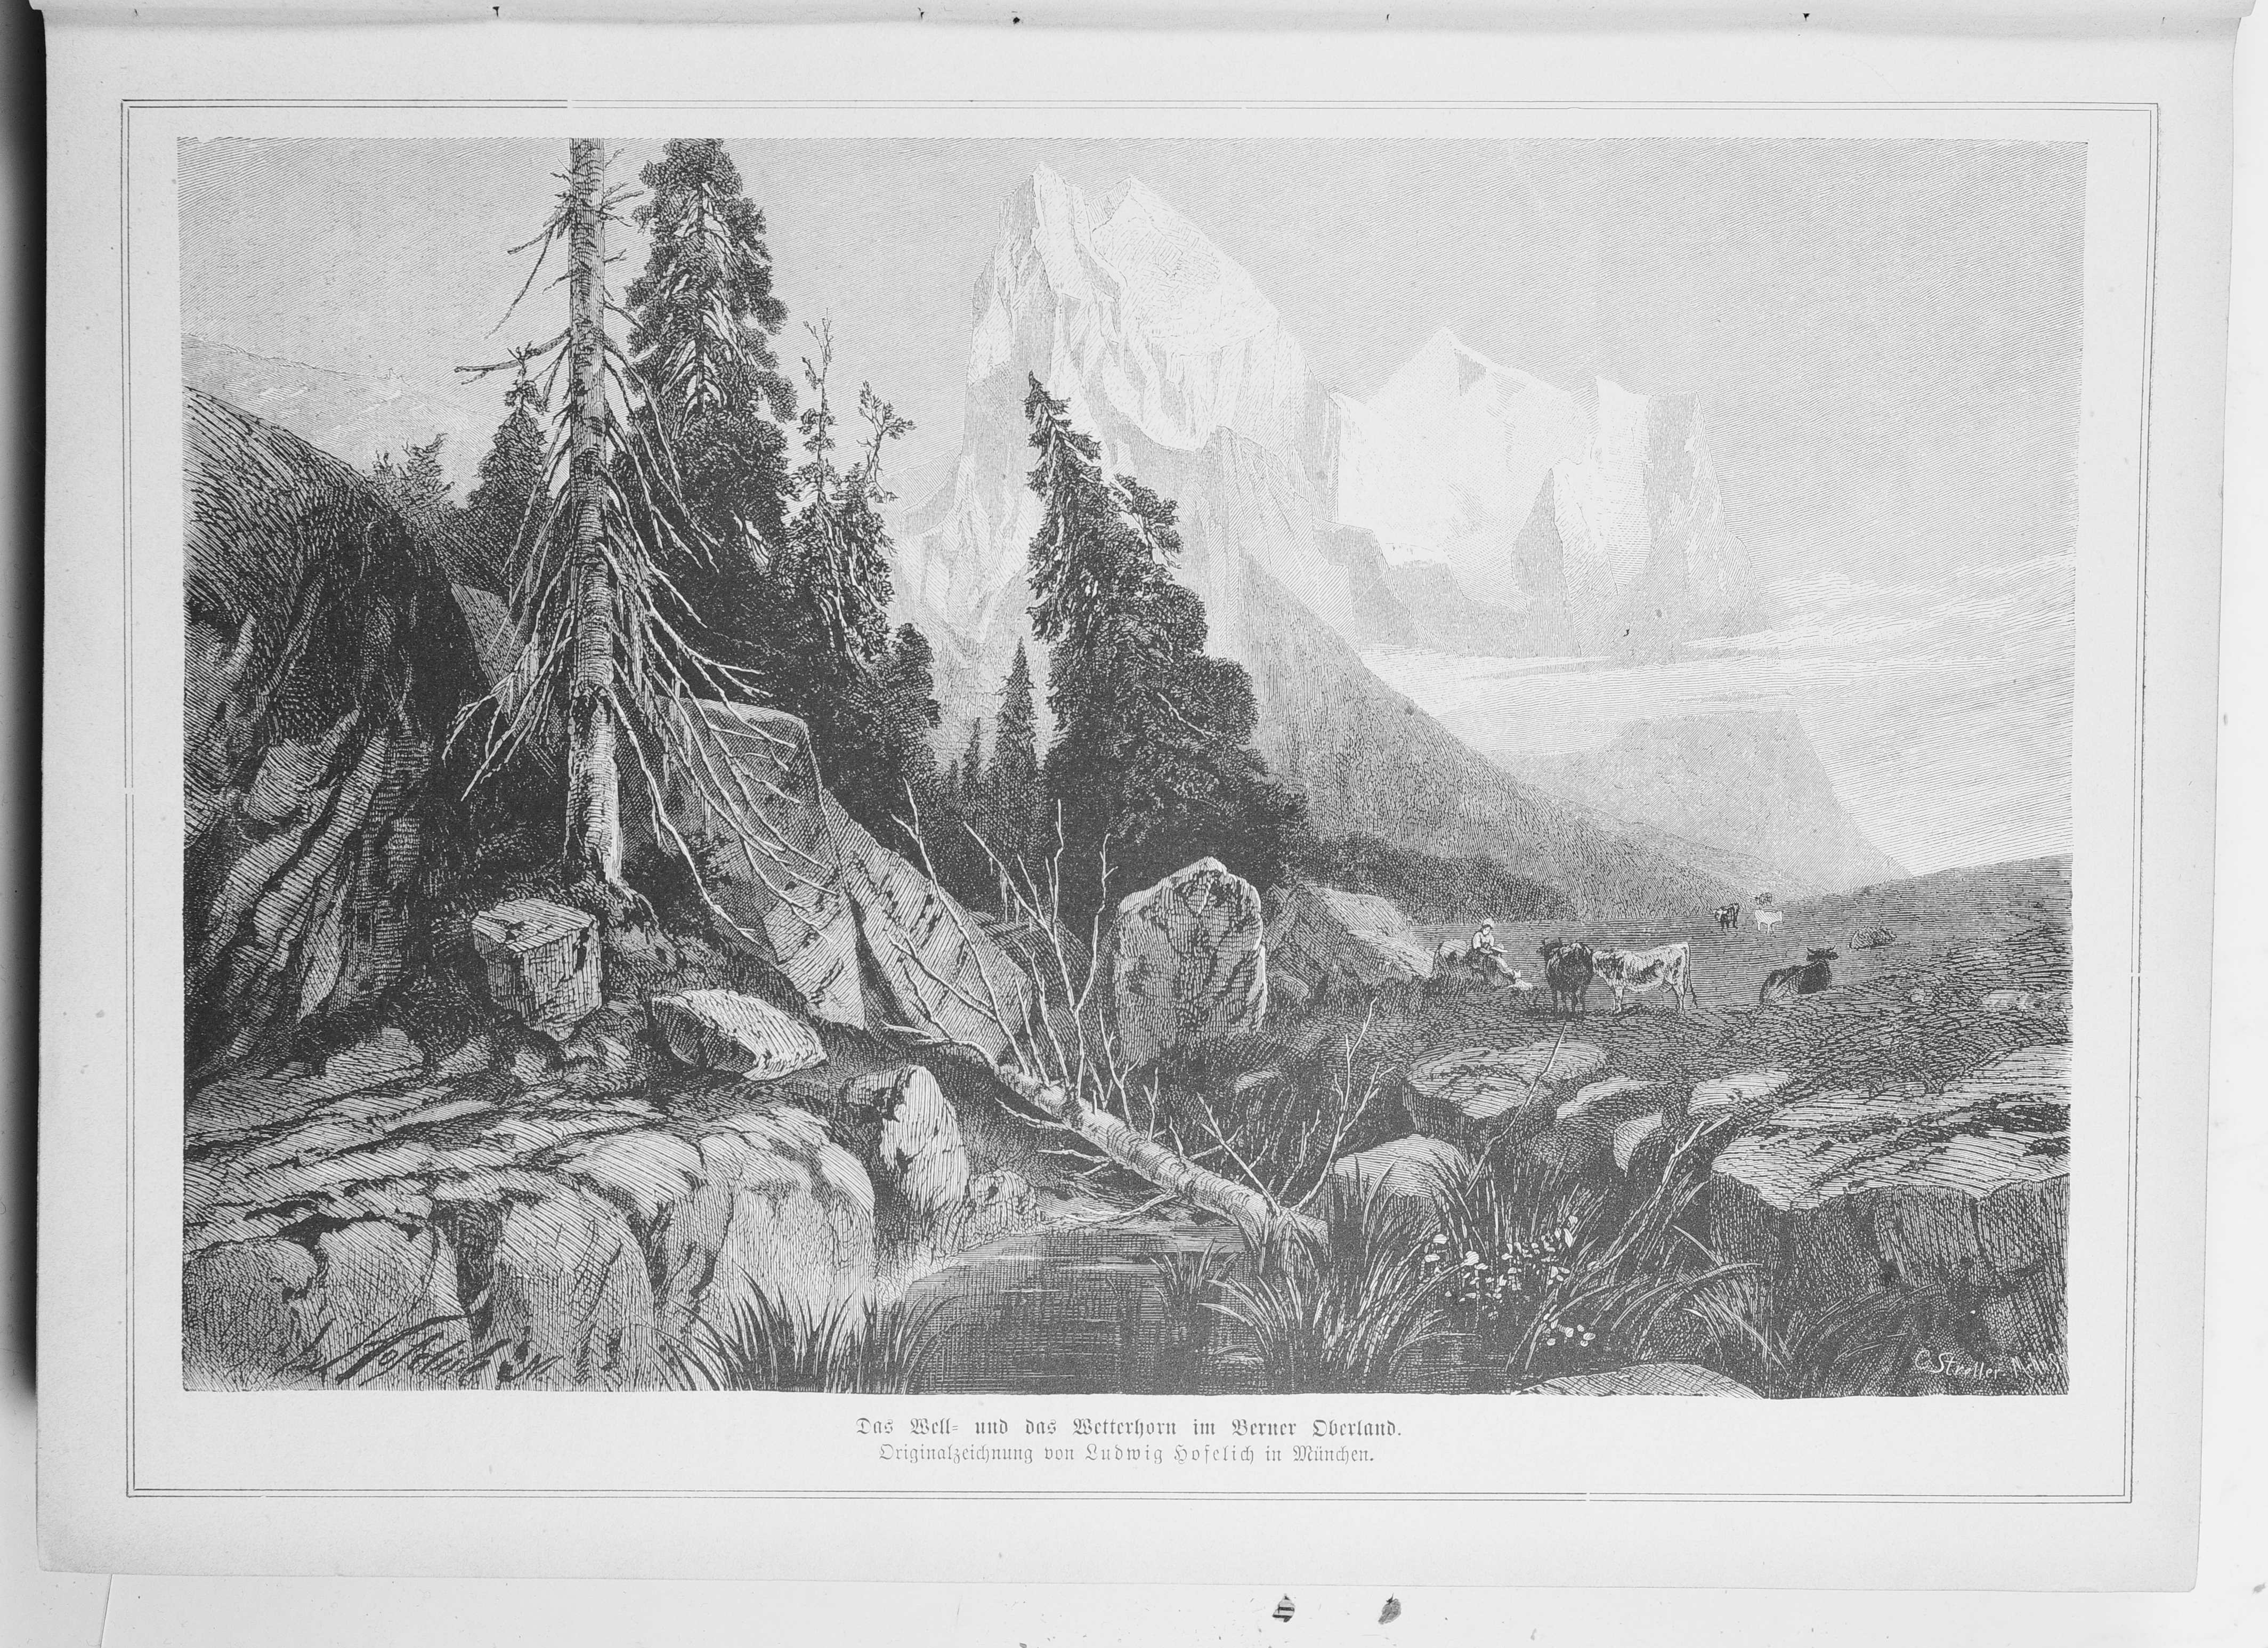Das Well- und das Wetterhorn im Berner Oberland.
Originalzeichnung von Ludwig Hofelich in München.
